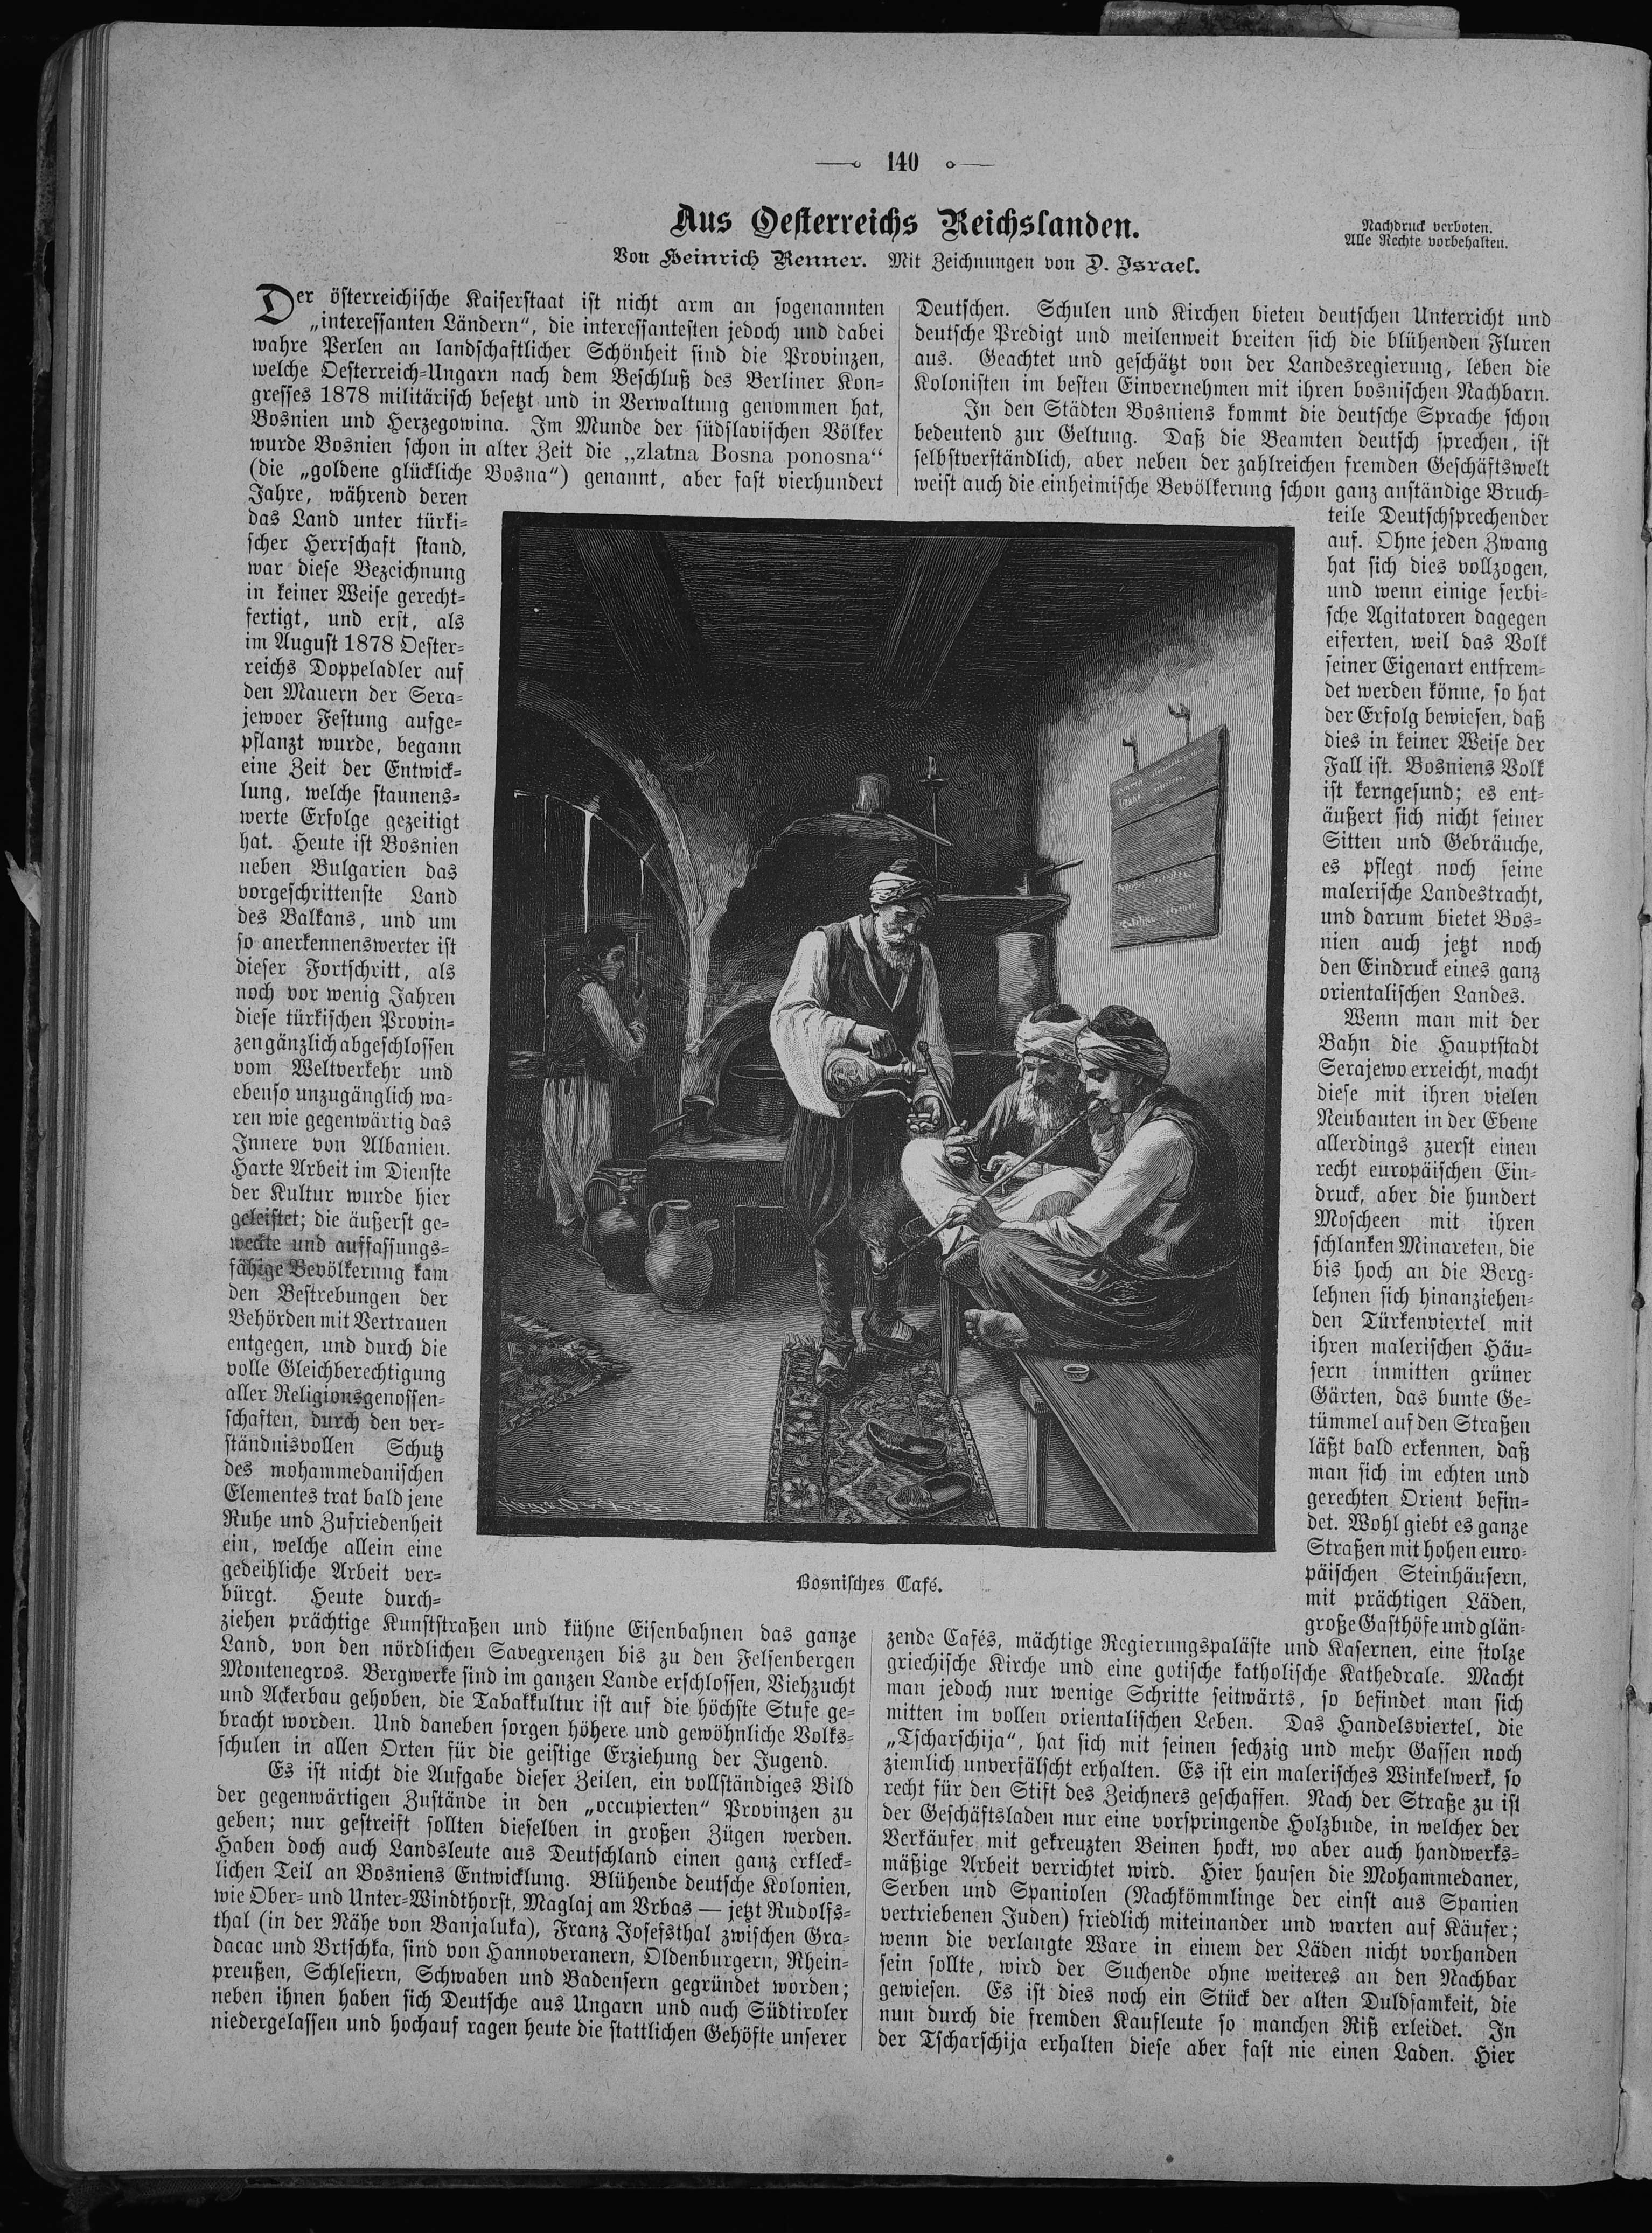Aus Oesterreichs Reichslanden.
Von Heinrich Renner. Mit Zeichnungen von D. Israel.

Der österreichische Kaiserstaat ist nicht arm an sogenannten „interessanten Ländern“, die interessantesten jedoch und dabei wahre Perlen an landschaftlicher Schönheit sind die Provinzen, welche Oesterreich-Ungarn nach dem Beschluß des Berliner Kongresses 1878 militärisch besetzt und in Verwaltung genommen hat, Bosnien und Herzegowina. Im Munde der südslavischen Völker wurde Bosnien schon in alter Zeit die „zlatna Bosna ponosna“ (die „goldene glückliche Bosna“) genannt, aber fast vierhundert Jahre, während deren das Land unter türkischer Herrschaft stand, war diese Bezeichnung in keiner Weise gerechtfertigt, und erst, als im August 1878 Oesterreichs Doppeladler auf den Mauern der Serajewoer Festung aufgepflanzt wurde, begann eine Zeit der Entwicklung, welche staunenswerte Erfolge gezeitigt hat. Heute ist Bosnien neben Bulgarien das vorgeschrittenste Land des Balkans, und um so anerkennenswerter ist dieser Fortschritt, als noch vor wenig Jahren diese türkischen Provinzen gänzlich abgeschlossen vom Weltverkehr und ebenso unzugänglich waren wie gegenwärtig das Innere von Albanien. Harte Arbeit im Dienste der Kultur wurde hier geleistet; die äußerst geweckte und auffassungsfähige Bevölkerung kam den Bestrebungen der Behörden mit Vertrauen entgegen, und durch die volle Gleichberechtigung aller Religionsgenossenschaften, durch den verständnisvollen Schutz des mohammedanischen Elementes trat bald jene Ruhe und Zufriedenheit ein, welche allein eine gedeihliche Arbeit verbürgt. Heute durchziehen prächtige Kunststraßen und kühne Eisenbahnen das ganze Land, von den nördlichen Savegrenzen bis zu den Felsenbergen Montenegros. Bergwerke sind im ganzen Lande erschlossen, Viehzucht und Ackerbau gehoben, die Tabakkultur ist auf die höchste Stufe gebracht worden. Und daneben sorgen höhere und gewöhnliche Volksschulen in allen Orten für die geistige Erziehung der Jugend.

Es ist nicht die Aufgabe dieser Zeilen, ein vollständiges Bild der gegenwärtigen Zustände in den „occupierten“ Provinzen zu geben; nur gestreift sollten dieselben in großen Zügen werden. Haben doch auch Landsleute aus Deutschland einen ganz erklecklichen Teil an Bosniens Entwicklung. Blühende deutsche Kolonien, wie Ober- und Unter-Windthorst, Maglaj am Brbas – jetzt Rudolfsthal (in der Nähe von Banjaluka), Franz Josefsthal zwischen Gradacac und Brischka, sind von Hannoveranern, Oldenburgern, Rheinpreußen, Schlesien, Schwaben und Badensern gegründet worden; neben ihnen haben sich Deutsche aus Ungarn und auch Südtiroler niedergelassen und hochauf ragen heute die stattlichen Gehöfte unserer Deutschen. Schulen und Kirchen bieten deutschen Unterricht und deutsche Predigt und meilenweit breiten sich die blühenden Fluren aus. Geachtet und geschätzt von der Landesregierung, leben die Kolonisten im besten Einvernehmen mit ihren bosnischen Nachbarn.

Bosnisches Café.

In den Städten Bosniens kommt die deutsche Sprache schon bedeutend zur Geltung. Daß die Beamten deutsch sprechen, sit selbstverständlich, aber neben der zahlreichen fremden Geschäftswelt weist auch die einheimische Bevölkerung schon ganz anständige Bruchteile Deutschsprechender auf. Ohne jeden Zwang hat sich dies vollzogen, und wenn einige serbische Agitatoren dagegen eiferten, weil das Volk seiner Eigenart entfremdet werden könne, so hat der Erfolg bewiesen, daß dies in keiner Weise der Fall ist. Bosniens Volk ist kerngesund; es entäußert sich nicht seiner Sitten und Gebräuche, es pflegt noch seine malerische Landestracht, und darum bietet Bosnien auch jetzt noch den Eindruck eines ganz orientalischen Landes. Wenn man mit der Bahn die Hauptstadt Serajewo erreicht, macht diese mit ihren vielen Neubauten in der Ebene allerdings zuerst einen recht europäischen Eindruck, aber die hundert Moscheen mit ihren schlanken Minareten, die bis hoch an die Berglehnen sich hinanziehenden Türkenviertel mit ihren malerischen Häusern inmitten grüner Gärten, das bunte Getümmel auf den Straßen läßt bald erkennen, daß man sich im echten und gerechten Orient befindet. Wohl giebt es ganze Straßen mit hohen europäischen Steinhäusern, mit prächtigen Läden, große Gasthöfe und glänzende Cafés, mächtige Regierungspaläste und Kasernen, eine stolze griechische Kirche und eine gotische katholische Kathedrale. Macht man jedoch nur wenige Schritte seitwärts, so befindet man sich mitten im vollen orientalischen Leben. Das Handelsviertel, die „Tscharschija“, hat sich mit seinen sechzig und mehr Gassen noch ziemlich unverfälscht erhalten. Es ist ein malerisches Winkelwerk, so recht für den Stift des Zeichners geschaffen. Nach der Straße zu ist der Geschäftsladen nur eine vorspringende Holzbude, in welcher der Verkäufer mit gekreuzten Beinen hockt, wo aber auch handwerksmäßige Arbeit verrichtet wird. Hier hausen die Mohammedaner, Serben und Spaniolen (Nachkömmlinge der einst aus Spanien vertriebenen Juden) friedlich miteinander und warten auf Käufer; wenn die verlangte Ware in einem der Läden nicht vorhanden sein sollte, wird der Suchende ohne weiteres an den Nachbar gewiesen. Es ist dies noch ein Stück der alten Duldsamkeit, die nur durch die fremden Kaufleute so manchen Riß erleidet. In der Tscharschija erhalten diese aber fast nie einen Laden. Hier
